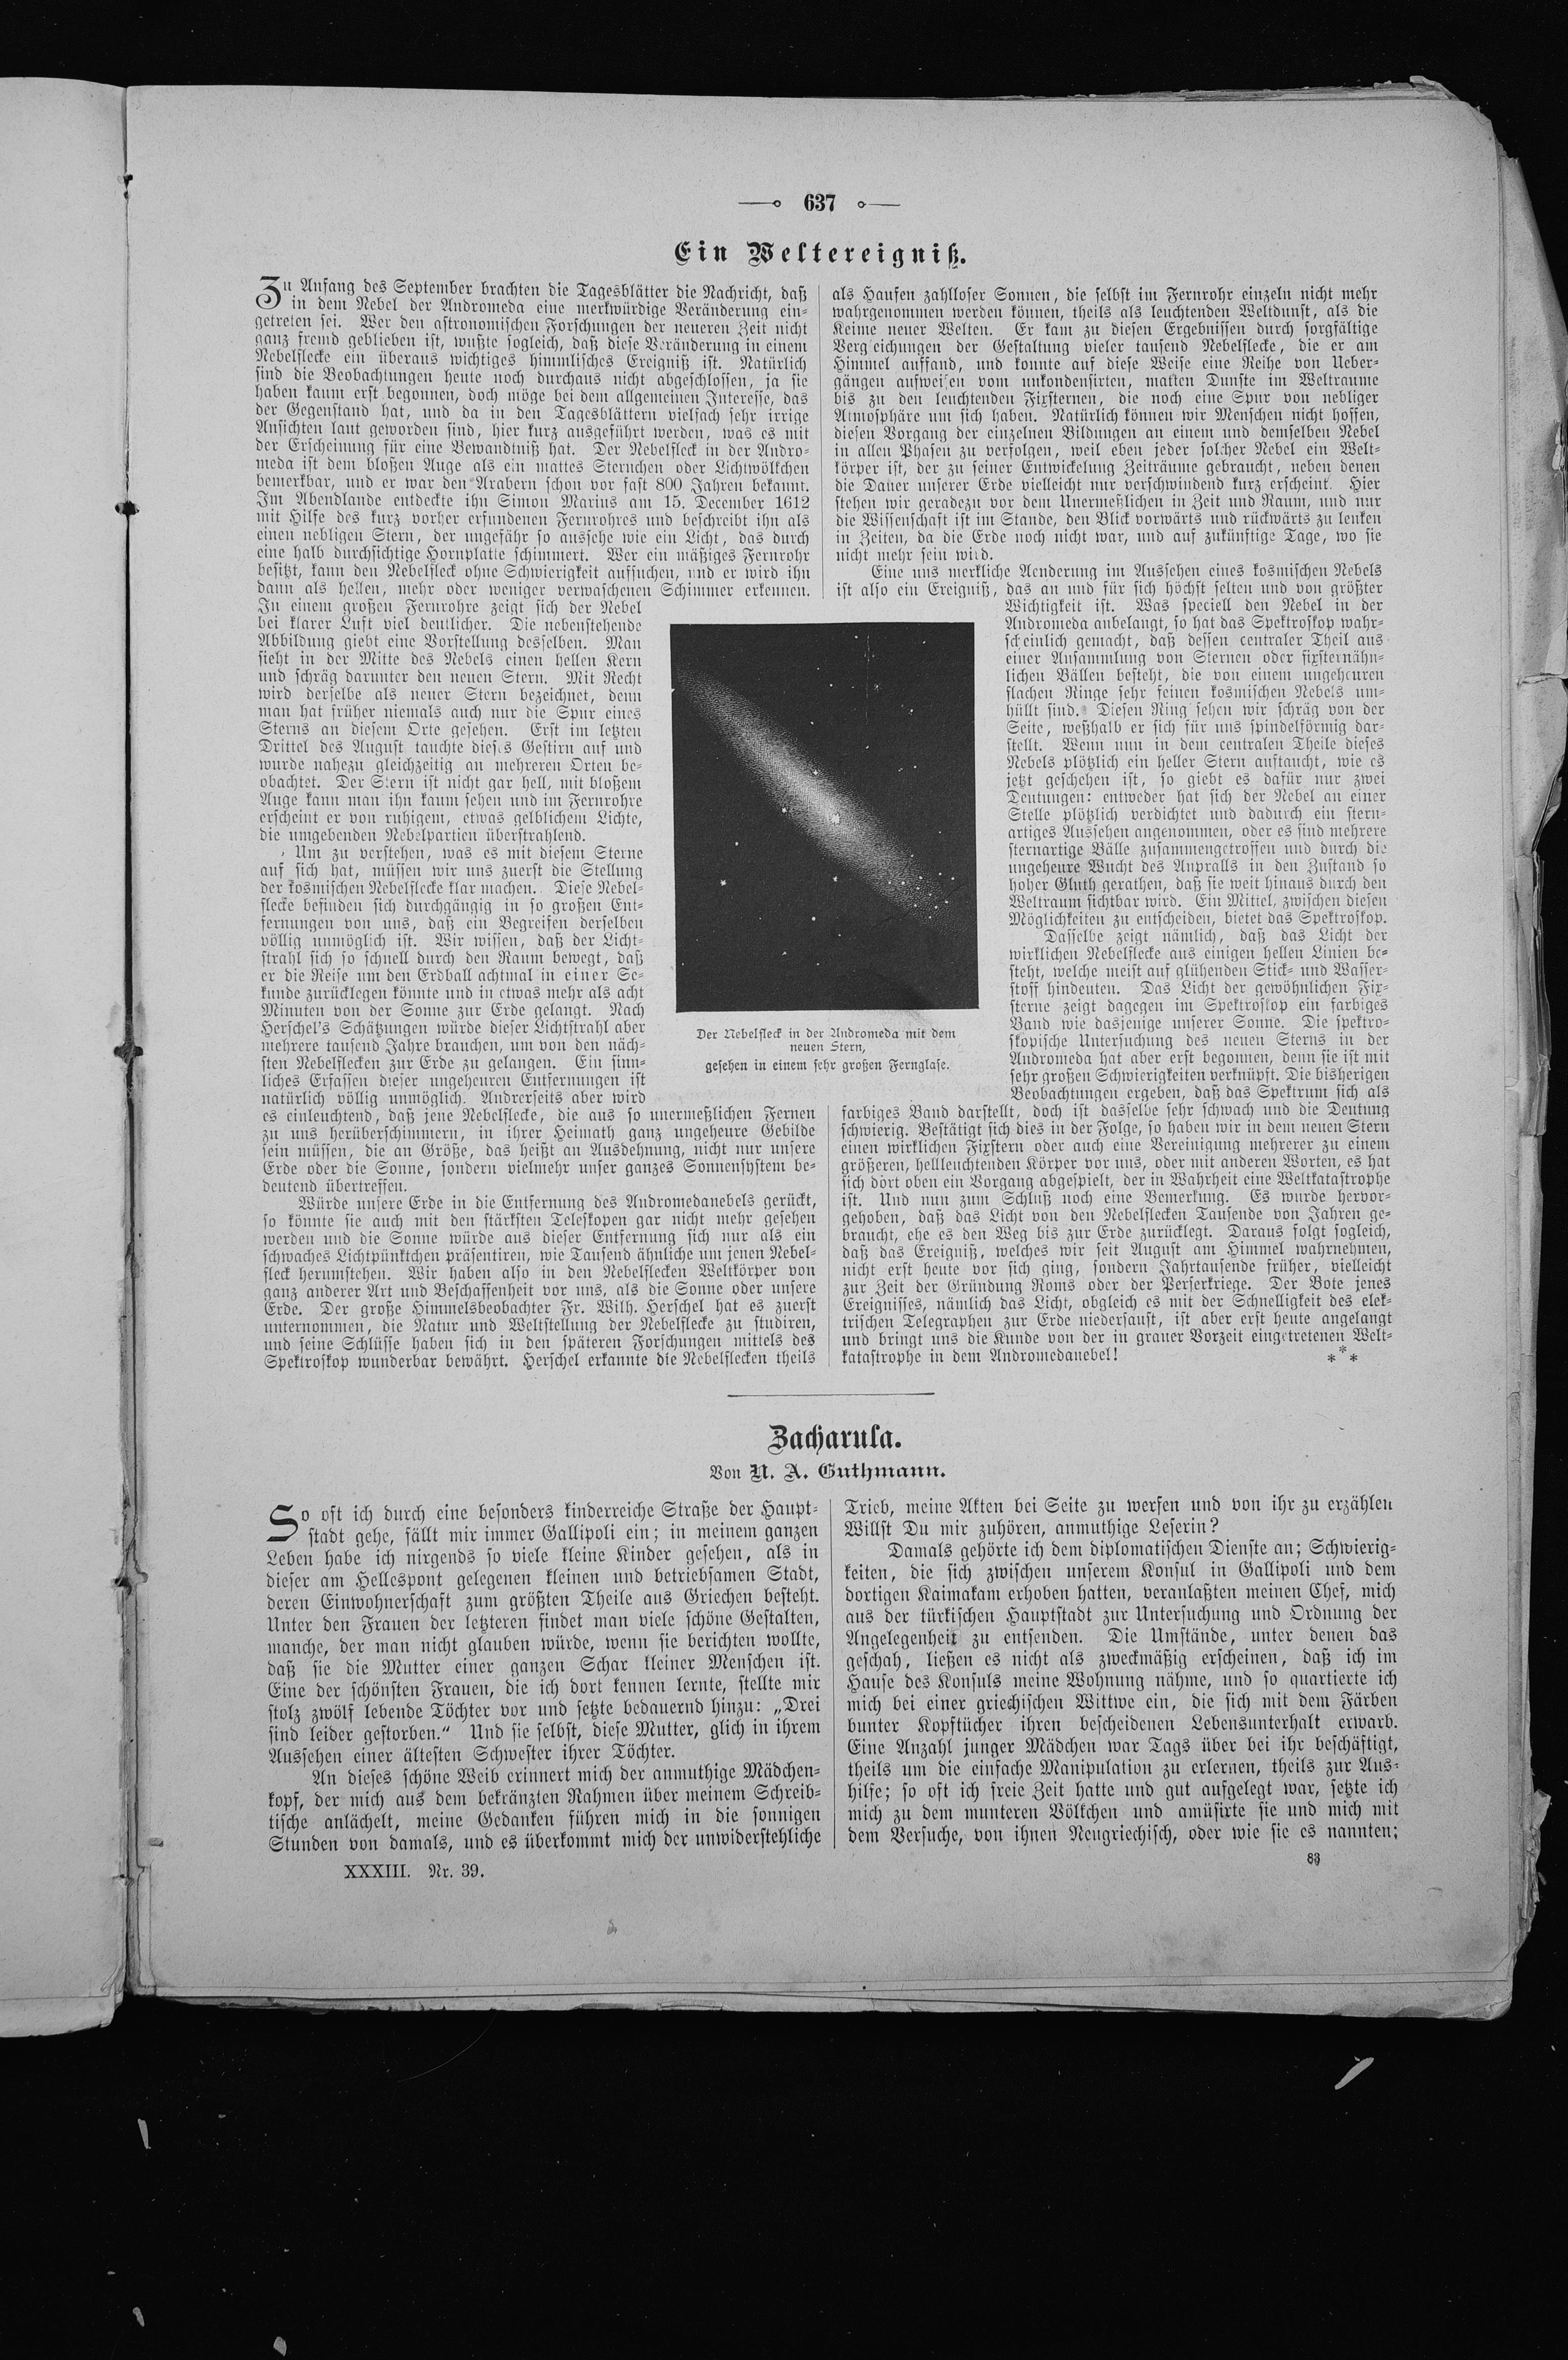Ein Weltereigniß.

Zu Anfang des September brachten die Tageblätter die Nachricht, daß in dem Nebel der Andromeda eine merkwürdige Veränderung eingetreten sei. Wer den astronomischen Forschungen der neueren Zeit nicht ganz fremd geblieben ist, wußte sogleich, daß diese Veränderung in einem Nebelflecke ein überaus wichtiges himmlisches Ereigniß ist. Natürlich sind die Beobachtungen heute noch durchaus nicht abgeschlossen, ja sie haben kaum erst begonnen, doch möge bei dem allgemeinen Interesse, das der Gegenstand hat, und da in den Tagesblättern vielfach sehr irrige Ansichten laut geworden sind, hier kurz ausgeführt werden, was es mit der Erscheinung für eine Bewandtniß hat. Der Nebelfleck in der Andromeda ist dem bloßen Auge als ein mattes Sternchen oder Lichtwölkchen bemerkbar, und er war den Arabern schon vor fast 800 Jahren bekannt. Im Abendlande entdeckte ihn Simon Marius am 15. December 1612 mit Hilfe des kurz vorher erfundenen Fernrohres und beschreibt ihn als einen nebligen Stern, der ungefähr so aussehe wie ein Licht, das durch eine halb durchsichtige Hornplatte schimmert. Wer ein mäßiges Fernrohr besitzt, kann den Nebelfleck ohne Schwierigkeit aufsuchen, und er wird ihn dann als hellen, mehr oder weniger verwaschenen Schimmer erkennen. In einem großen Fernrohre zeigt sich der Nebel bei klarer Luft viel deutlicher. Die nebenstehende Abbildung giebt eine Vorstellung desselben. Man sieht in der Mitte des Nebels einen hellen Kern und schräg darunter denn neuen Stern. Mit Recht wird derselbe als neuer Stern bezeichnet, denn man hat früher niemals auch nur die Spur eines Sterns an diesen Orte gesehen. Erst im letzten Drittel des August tauchte dieses Gestirn auf und wurde nahezu gleichzeitig an mehreren Orten beobachtet. Der Stern ist nicht gar hell, mit bloßem Auge kann man ihn kaum sehen und im Fernrohre erscheint er von ruhigem, etwas gelblichem Lichte, die umgebenden Nebelpartien überstrahlend.

Um zu verstehen, was es mit diesem Sterne auf sich hat, müssen wir uns zuerst die Stellung der kosmischen Nebelflecke klar machen. Diese Nebelflecke befinden sich durchgängig in so großen Entfernungen von uns, daß ein Begreifen derselben völlig unmöglich ist. Wir wissen, daß der Lichtstrahl sich so schnell durch den Raum bewegt, daß er die Reise um den Erdball achtmal in einer Sekunde zurücklegen könnte und in etwas mehr als acht Minuten von der Sonne zur Erde gelangt. Nach Herschel’s Schätzungen würde dieser Lichtstrahl aber mehrere tausend Jahre brauchen, um von den nächsten Nebelflecken zur Erde zu gelangen. Ein sinnliches Erfassen dieser ungeheuren Entfernungen ist natürlich völlig unmöglich. Andrerseits aber wird es einleuchtend, daß jene Nebelflecke, die aus so unermeßlichen Fernen zu uns herüberschimmern, in ihrer Heimath ganz ungeheure Gebilde sein müssen, die an Größe, das heißt an Ausdehnung, nicht nur unsere Erde oder die Sonne, sondern vielmehr unser ganzes Sonnensystem bedeutend übertreffen.

Der Nebelfleck in der Andromeda mit dem neuen Stern, gesehen in einem sehr großen Fernglase.

Würde unsere Erde in die Entfernung des Andromedanebels gerückt, so könnte sie auch mit den stärksten Teleskopen gar nicht mehr gesehen werden und die Sonne würde aus dieser Entfernung sich nur als ein schwaches Lichtpünktchen präsentiren, wie Tausend ähnliche um jenen Nebelfleck herumstehen. Wir haben also in den Nebelflecken Weltkörper von ganz anderer Art und Beschaffenheit vor uns, als die Sonne oder unsere Erde. Der große Himmelsbeobachter Fr. Wilh. Herschel hat es zuerst unternommen, die Natur und Weltstellung der Nebelflecke zu studiren, und seine Schlüsse haben sich in den späteren Forschungen mittels des Spektroskop wunderbar bewährt. Herschel erkannte die Nebelflecken theils als Haufen zahlloser Sonnen, die selbst im Fernrohr einzeln nicht mehr wahrgenomnnen werden können, theils als leuchtenden Weltdunst, als die Keime neuer Welten. Er kam zu diesen Ergebnissen durch sorgfältige Vergleichungen der Gestaltung vieler tausend Nebelflecke, die er am Himmel auffand, und konnte auf diese Weise eine Reihe von Uebergängen aufweisen vom unkondensirten, matten Dunste im Weltraume bis zu den leuchtenden Fixsternen, die noch eine Spur von nebliger Atmosphäre um sich haben. Natürlich können wir Menschen nicht hoffen, diesen Vorgang der einzelnen Bildungen an einem und demselben Nebel in allen Phasen zu verfolgen, weil eben jeder solcher Nebel ein Weltkörper ist, der zu seiner Entwickelung Zeiträume gebraucht, neben denen die Dauer unserer Erde vielleicht nur verschwindend kurz erscheint. Hier stehen wir geradezu vor dem Unermeßlichen in Zeit und Raum, und nur die Wissenschaft ist im Stande, den Blick vorwärts und rückwärts zu lenken in Zeiten, da die Erde noch nicht war, und auf zukünftige Tage, wo sie nicht mehr sein wird.

Eine uns merkliche Aenderung im Aussehen eines kosmischen Nebels ist also ein Ereigniß, das an und für sich höchst selten und von größter Wichtigkeit ist. Was speziell den Nebel in der Andromeda anbelangt, so hat das Spektroskop wahrscheinlich gemacht, daß dessen centraler Theil aus einer Ansammlung von Sternen oder fixsternähnlichen Bällen besteht, die von einen ungeheuren flachen Ringe sehr feinen kosmischen Nebels umhüllt sind. Diesen Ring sehen wir schräg von der Seite, weßhalb er sich für uns spindelförmig darstellt. Wenn nun in dem centralen Theile dieses Nebels plötzlich ein heller Stern auftaucht, wie es jetzt geschehen ist, so giebt es dafür nur zwei Deutungen: entweder hat sich der Nebel an einer Stelle plötzlich verdichtet und dadurch ein sternartiges Aussehen angenommen, oder es sind mehrere sternartige Bälle zusammengetroffen und durch die ungeheure Wucht des Anpralls in den Zustand so hoher Gluth gerathen, daß sie weit hinaus durch den Weltraum sichtbar wird. Ein Mittel, zwischen diesen Möglichkeiten zu entscheiden, bietet das Spektroskop.

Dasselbe zeigt nämlich, daß das Licht der wirklichen Nebelflecke aus einigen hellen Linien besteht, welche meist auf glühenden Stick- und Wasserstoff hindeuten. Das Licht der gewöhnlichen Fixsterne zeigt dagegen im Spektroskop ein farbiges Band wie dasjenige unserer Sonne. Die spektroskopische Untersuchung des neuen Sterns in der Andromeda hat aber erst begonnen, denn sie ist mit sehr großen Schwierigkeiten verknüpft. Die bisherigen Beobächtungen ergeben, daß das Spektrum sich als farbiges Band darstellt, doch ist dasselbe sehr schwach und die Deutung schwierig. Bestätigt sich dies in der Folge, so haben wir in dem neuen Stern einen wirklichen Fixstern oder auch eine Vereinignung mehrerer zu einem größeren, hellleuchtenden Körper vor uns, oder mit anderen Worten, es hat sich dort oben ein Vorgang abgespielt, der in Wahrheit eine Weltkatastrophe ist. Und nun zum Schluß noch eine Bemerkung. Es wurde hervorgehoben, daß das Licht von den Nebelflecken Tausende von Jahren gebraucht, ehe es den Weg bis zur Erde zurücklegt. Daraus folgt sogleich, daß das Ereigniß, welches wir seit August am Himmel wahrnehmen, nicht erst heute vor sich ging, sondern Jahrtausende früher, vielleicht zur Zeit der Gründung Roms oder der Perserkriege. Der Bote jenes Ereignisses, nämlich das Licht, obgleich es mit der Schnelligkeit des elektrischen Telegraphen zur Erde niedersaust, ist aber erst heute angelangt und bringt uns die Kunde von der in grauer Vorzeit eingetretenen Weltkatastrophe in dem Andromedanebel!
***

Zacharula.
Von N. A. Guthmann.

So oft ich durch eine besonders kinderreiche Straße der Hauptstadt gehe, fällt mir immer Gallipoli ein; in meinem ganzen Leben habe ich nirgens so viele kleine Kinder gesehen, als in dieser am Hellespont gelegenen kleinen und betriebsamen Stadt, deren Einwohnerschaft zum größten Theile aus Griechen besteht. Unter den Frauen der letzteren findet man viele schöne Gestalten, manche, der man nicht glauben würde, wenn sie berichten wollte, daß sie die Mutter einer ganzen Schar kleiner Menschen ist. Eine der schönsten Frauen, die ich dort kennen lernte, stellte mir stolz zwölf lebende Töchter vor und setzte bedauernd hinzu: „Drei sind leider gestorben.“ Und sie selbst, diese Mutter, glich in ihrem Aussehen einer ältesten Schwester ihrer Töchter.

An dieses schöne Weib erinnert mich der anmuthige Mädchenkopf, der mich aus dem bekränzten Rahmen über meinem Schreibtische anlächelt, meine Gedanken führen mich in die sonnigen Stunden von damals, und es überkommt mich der unwiderstehliche Trieb, meine Akten bei Seite zu werfen und von ihr zu erzählen. Willst Du mir zuhören, anmuthige Leserin?

Damals gehörte ich dem diplomatischen Dienste an; Schwierigkeiten, die sich zwischen unserem Konsul in Gallipoli und dem dortigen Kaimakam erhoben hatten, veranlaßten meinen Chef, mich aus der türkischen Hauptstadt zur Untersuchung und Ordnung der Angelegenheit zu entsenden. Die Umstände, unter denen das geschah, ließen es nicht als zweckmäßig erscheinen, daß ich im Hause des Konsuls meine Wohnung nähme und so quartierte ich mich bei einer griechischen Wittwe ein, die sich mit dem Färben bunter Kopftücher ihren bescheidenen Lebensunterhalt erwarb. Eine Anzahl junger Mädchen war Tags über bei ihr beschäftigt, theils um die einfache Manipulation zu erlernen, theils zur Aushilfe; so oft ich freie Zeit hatte und gut aufgelegt war, setzte ich mich zu dem munteren Völkchen und amüsirte sie und mich mit dem Versuche, von ihnen Neugriechisch, oder wie sie es nannten;
